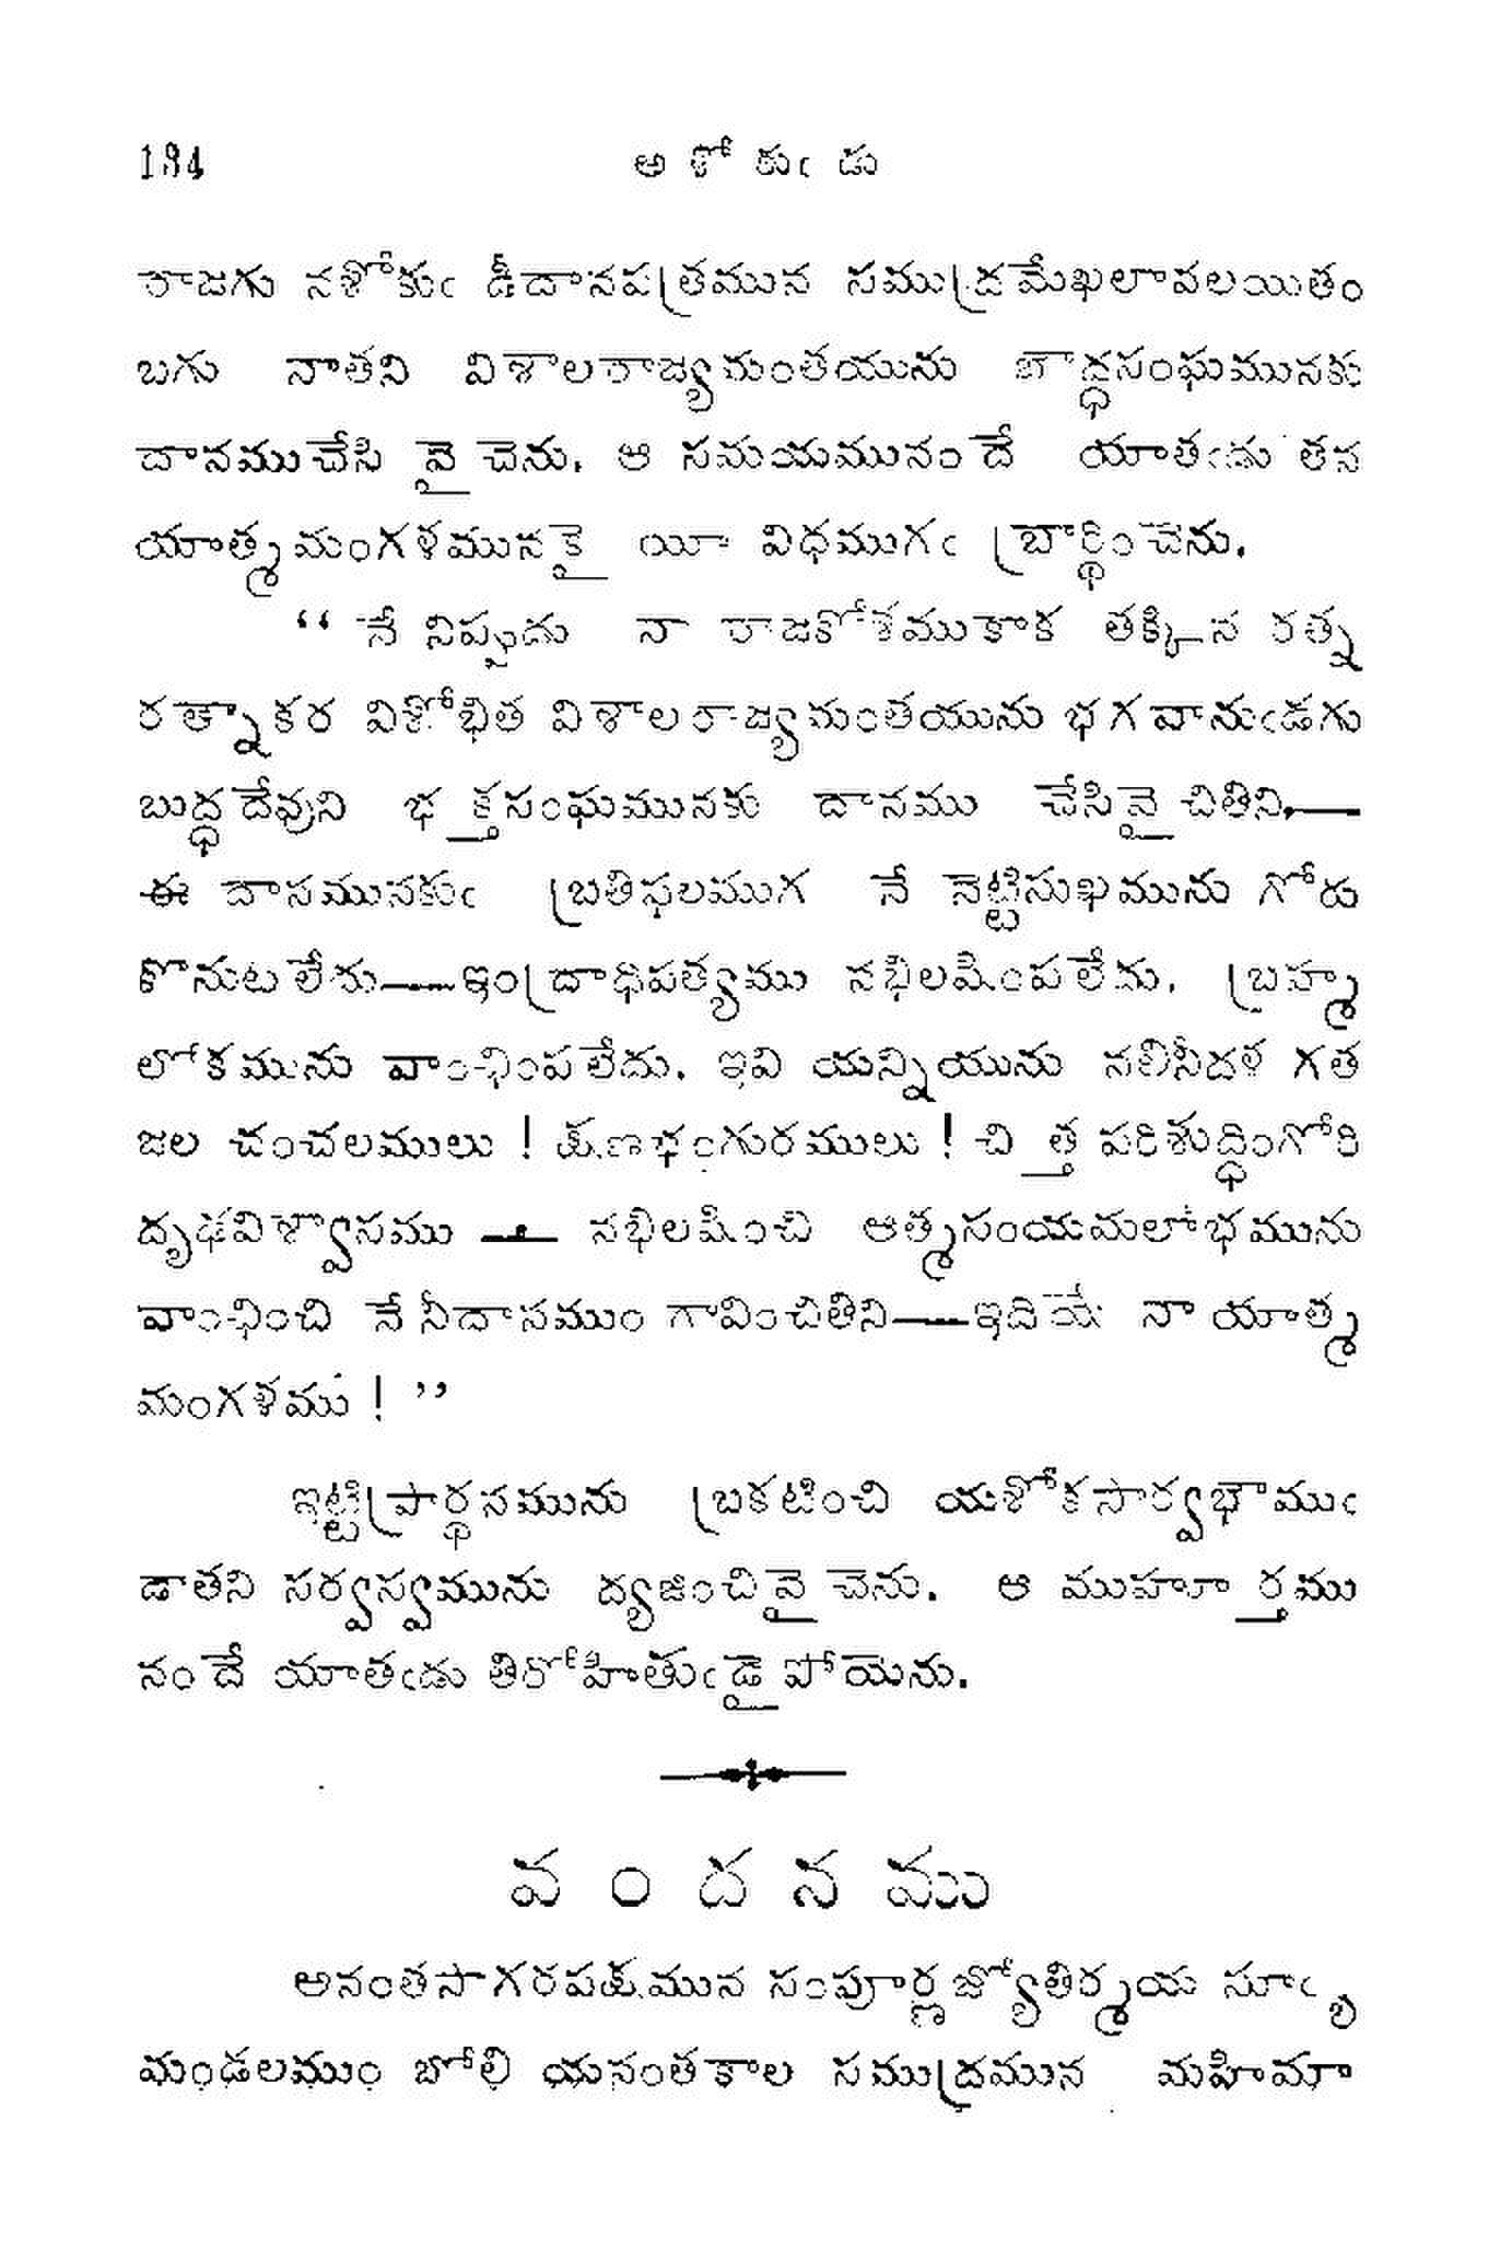రాజగు నశోకుఁ డీదానపత్రమున సముద్రమేఖలావలయితంబగు నాతని విశాల రాజ్య ముంతయును బౌద్ధసంఘమునకు దానము చేసి వైచెను. ఆ సమయమునందే యాతడు తన యాత్మ మంగళమునకై యీ విధముగఁ బ్రార్థించెను.

"నే నిప్పుడు నా రాజకోశము కాక తక్కిన రత్న రత్నాకర విశోభిత విశాల రాజ్య మంతయును భగ వానుఁడగు బుద్ధ దేవుని భక్తసంఘమునకు దానము చేసివై చితిని,—— ఈ దానమునకుఁ బ్రతిఫలముగ నే నెట్టిసుఖమును గోరుకొనుట లేదు—— ఇంద్రాధిపత్యము నభిలషింప లేదు. బ్రహ్మ లోకమును వాంఛింపలేదు. ఇవి యన్నియును నలినీదళ గత జల చంచలములు ! క్షణభంగురములు ! చిత్త పరిశుద్దింగోరి దృఢవిశ్వాసము —— నభిలషించి ఆత్మసంయమ లాభమును వాంఛించి నేనీదానముం గావించితిని ——ఇది యే నా యాత్మ మంగళము ! "

ఇట్టి ప్రార్థనమును ప్రకటించి యశోక సార్వభౌముఁ డాతని సర్వస్వమును ద్యజించి వైచెను. ఆ ముహూర్తము నందే యాతఁడు తిరోహితుఁడై పోయెను.

అనంతసాగరపక్షమున సంపూర్ణ జ్యోతిర్మయ సూర్య మండలముం బోలి యనంత కాల సముద్రమున మహిమా